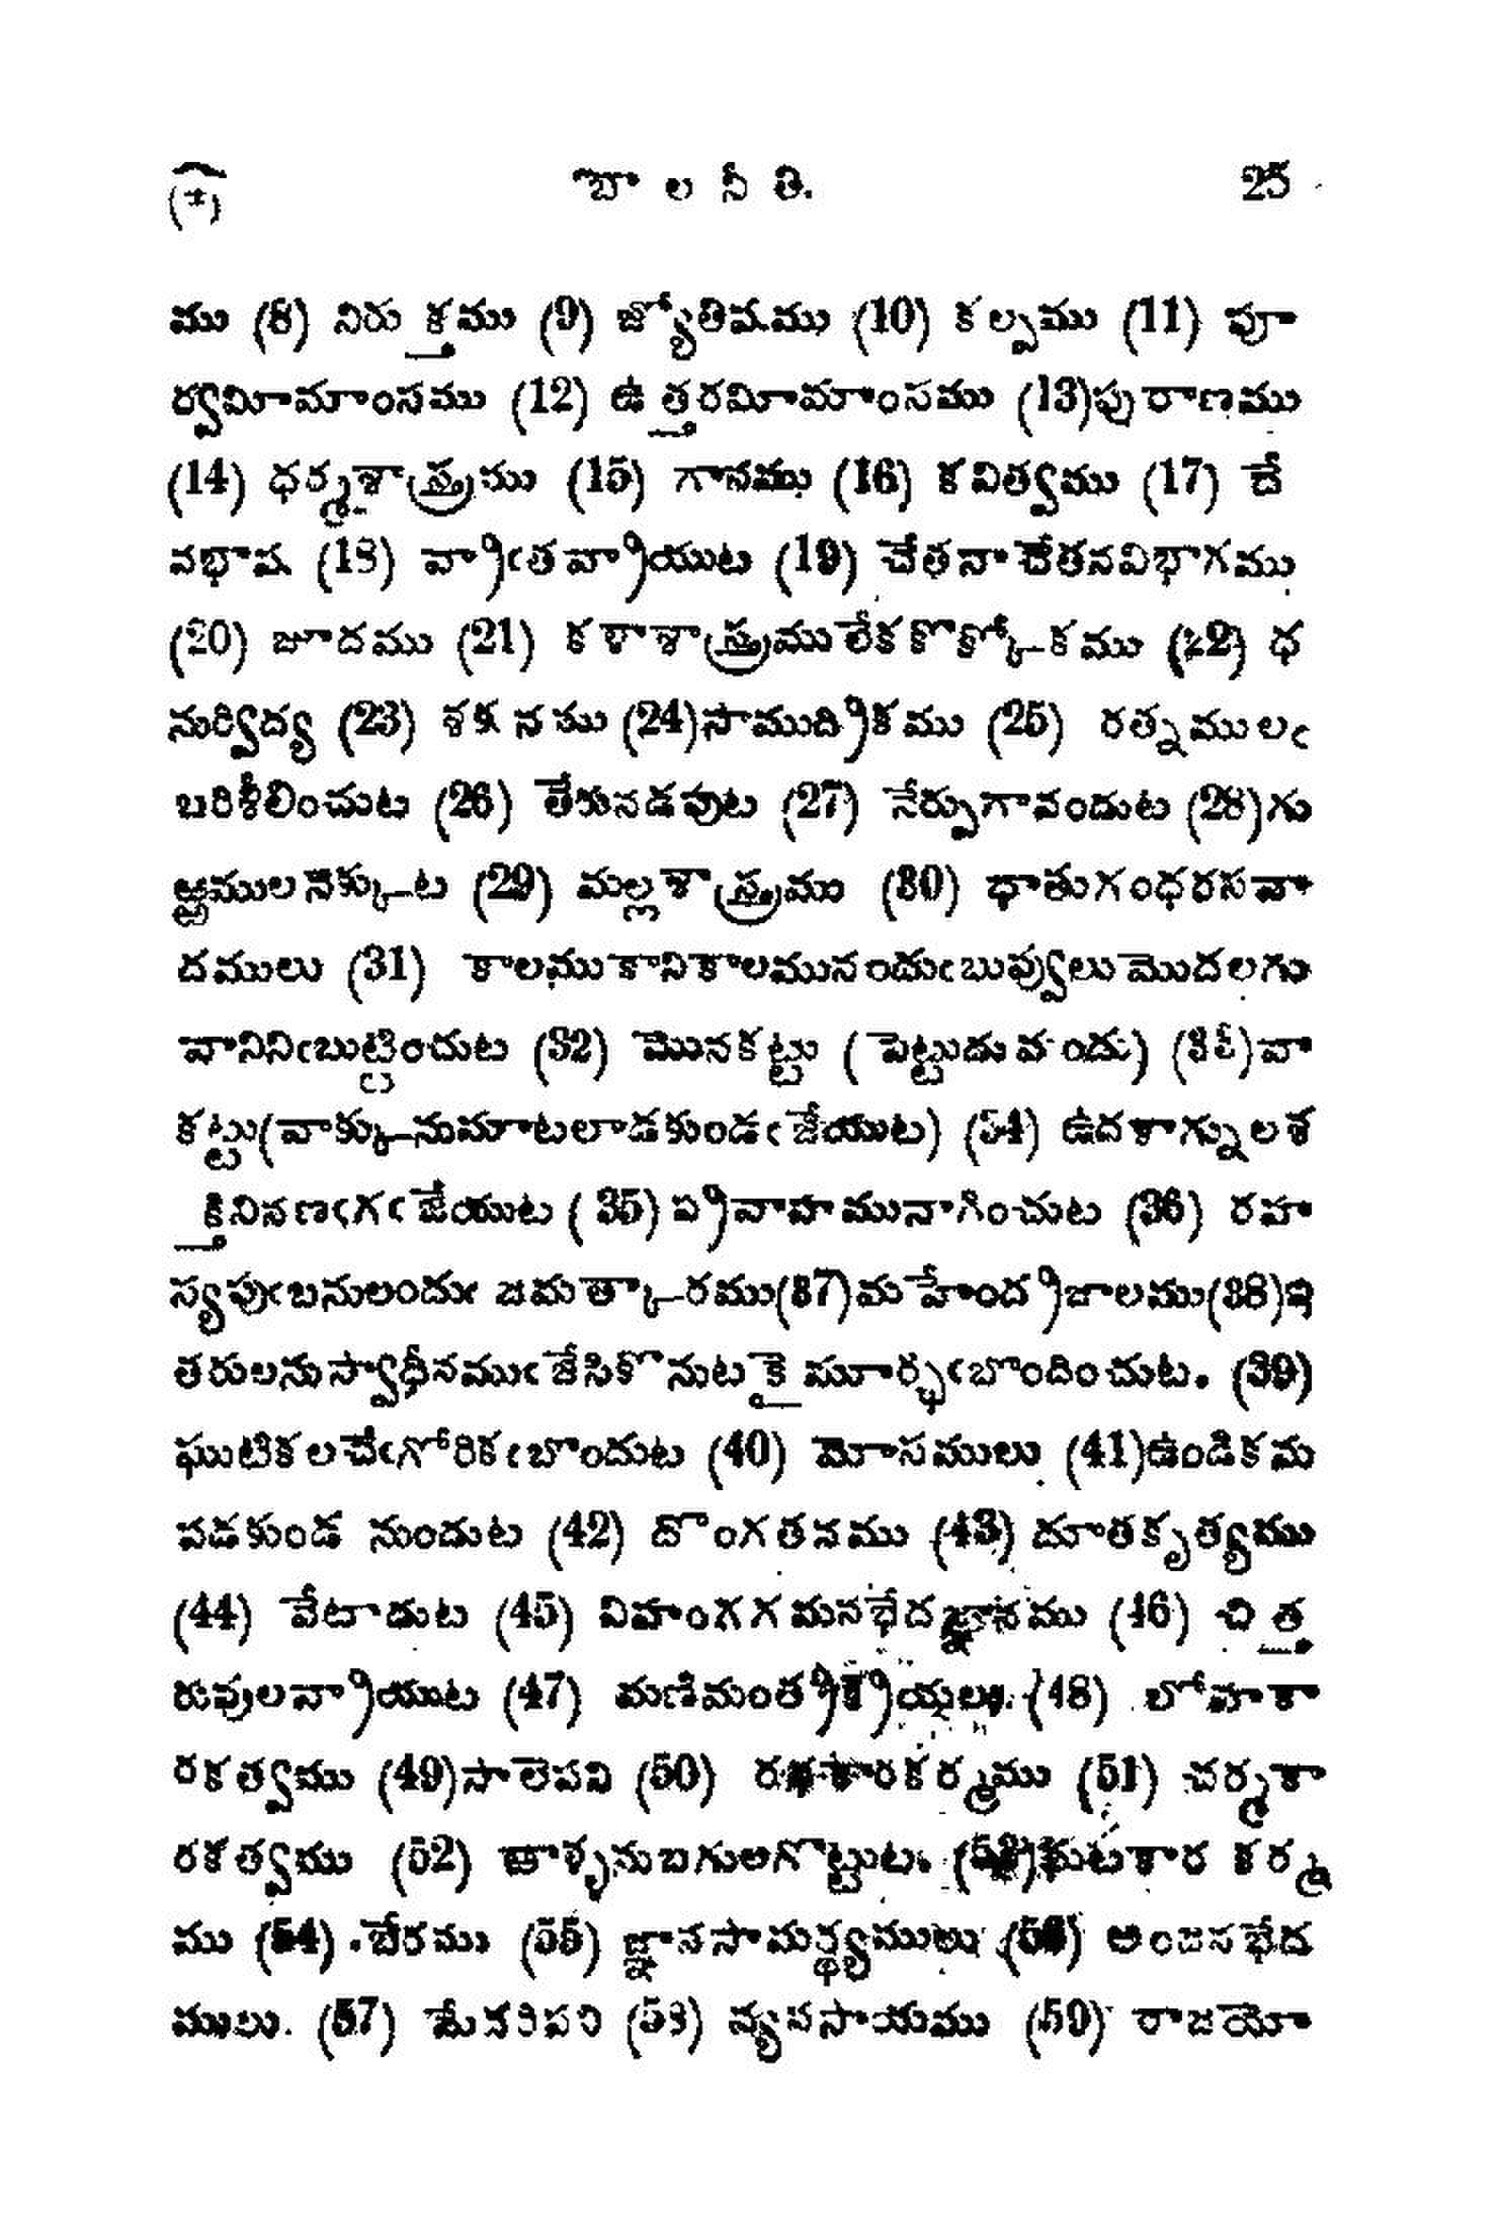ము (8) నిరుక్తము (9) జ్యోత్రిషము (10) కల్పము (11) పూర్వమీమాంసము (12) ఉత్తరమీమాంసము (13) పురాణము (14) ధర్మశాస్త్రము (15) గానము (16) కవిత్వము (17) దేవభాష (18)వ్రాఁత వ్రాయుట (19) చేతనాచేతనవిభాగము (20) జూదము (21) కళాశాస్త్రము లేక కొక్కోకము (22) ధనుర్విద్య (23) శకునము (24) సాముద్రికము (25) రత్నములఁ బరిశీలించుట (26) తేరు నడపుట (27) నేర్పుగా వండుట (28) గుఱ్ఱముల నెక్కుట (29) మల్లశాస్త్రము (30) ధాతుగంధరసవాదములు (31)కాలముకానికాలమునందుఁ బువ్వులు మొదలగువానినిఁ బుట్టించుట (32) మొనకట్టు (పెట్టుడుమందు) (33) వాకట్టు (వాక్కును మాటలాడకుండఁజేయుట) (34) ఉదకాగ్నులశక్తిని నణఁగఁజేయుట (35) ప్రవాహము నాగించుట (36) రహస్యపుఁబనులందుఁ జమత్కారము (37) మహేంద్రజాలము (38)ఇతరులను స్వాధీనముఁ జేసికొనుటకై మూర్చఁ బొందించుట. (39) ఘుటికలచేఁ గోరికఁ బొందుట (40) మోసములు (41) ఉండి కనుపడకుండ నుండుట (42) దొంగతనము (43) దూతకృత్యము (44)వేటాడుట (45 )విహంగగమనభేదజ్ఞానము (46) చిత్తరువుల వ్రాయుట (47) మణిమంత్రక్రియలు (48) లోహకారకత్వము (49) సాలెపని (50) రథకారకర్మము (51) చర్మకారకత్వము (52) ఱాళ్ళను బగులగొట్టుట. (53) ఘటకారకర్మము (54) బేరము (55) జ్ఞానసామర్థ్యములు (56) అంజనభేదములు (57) మేదరిపని (58) వ్యవసాయము (59) రాజయో